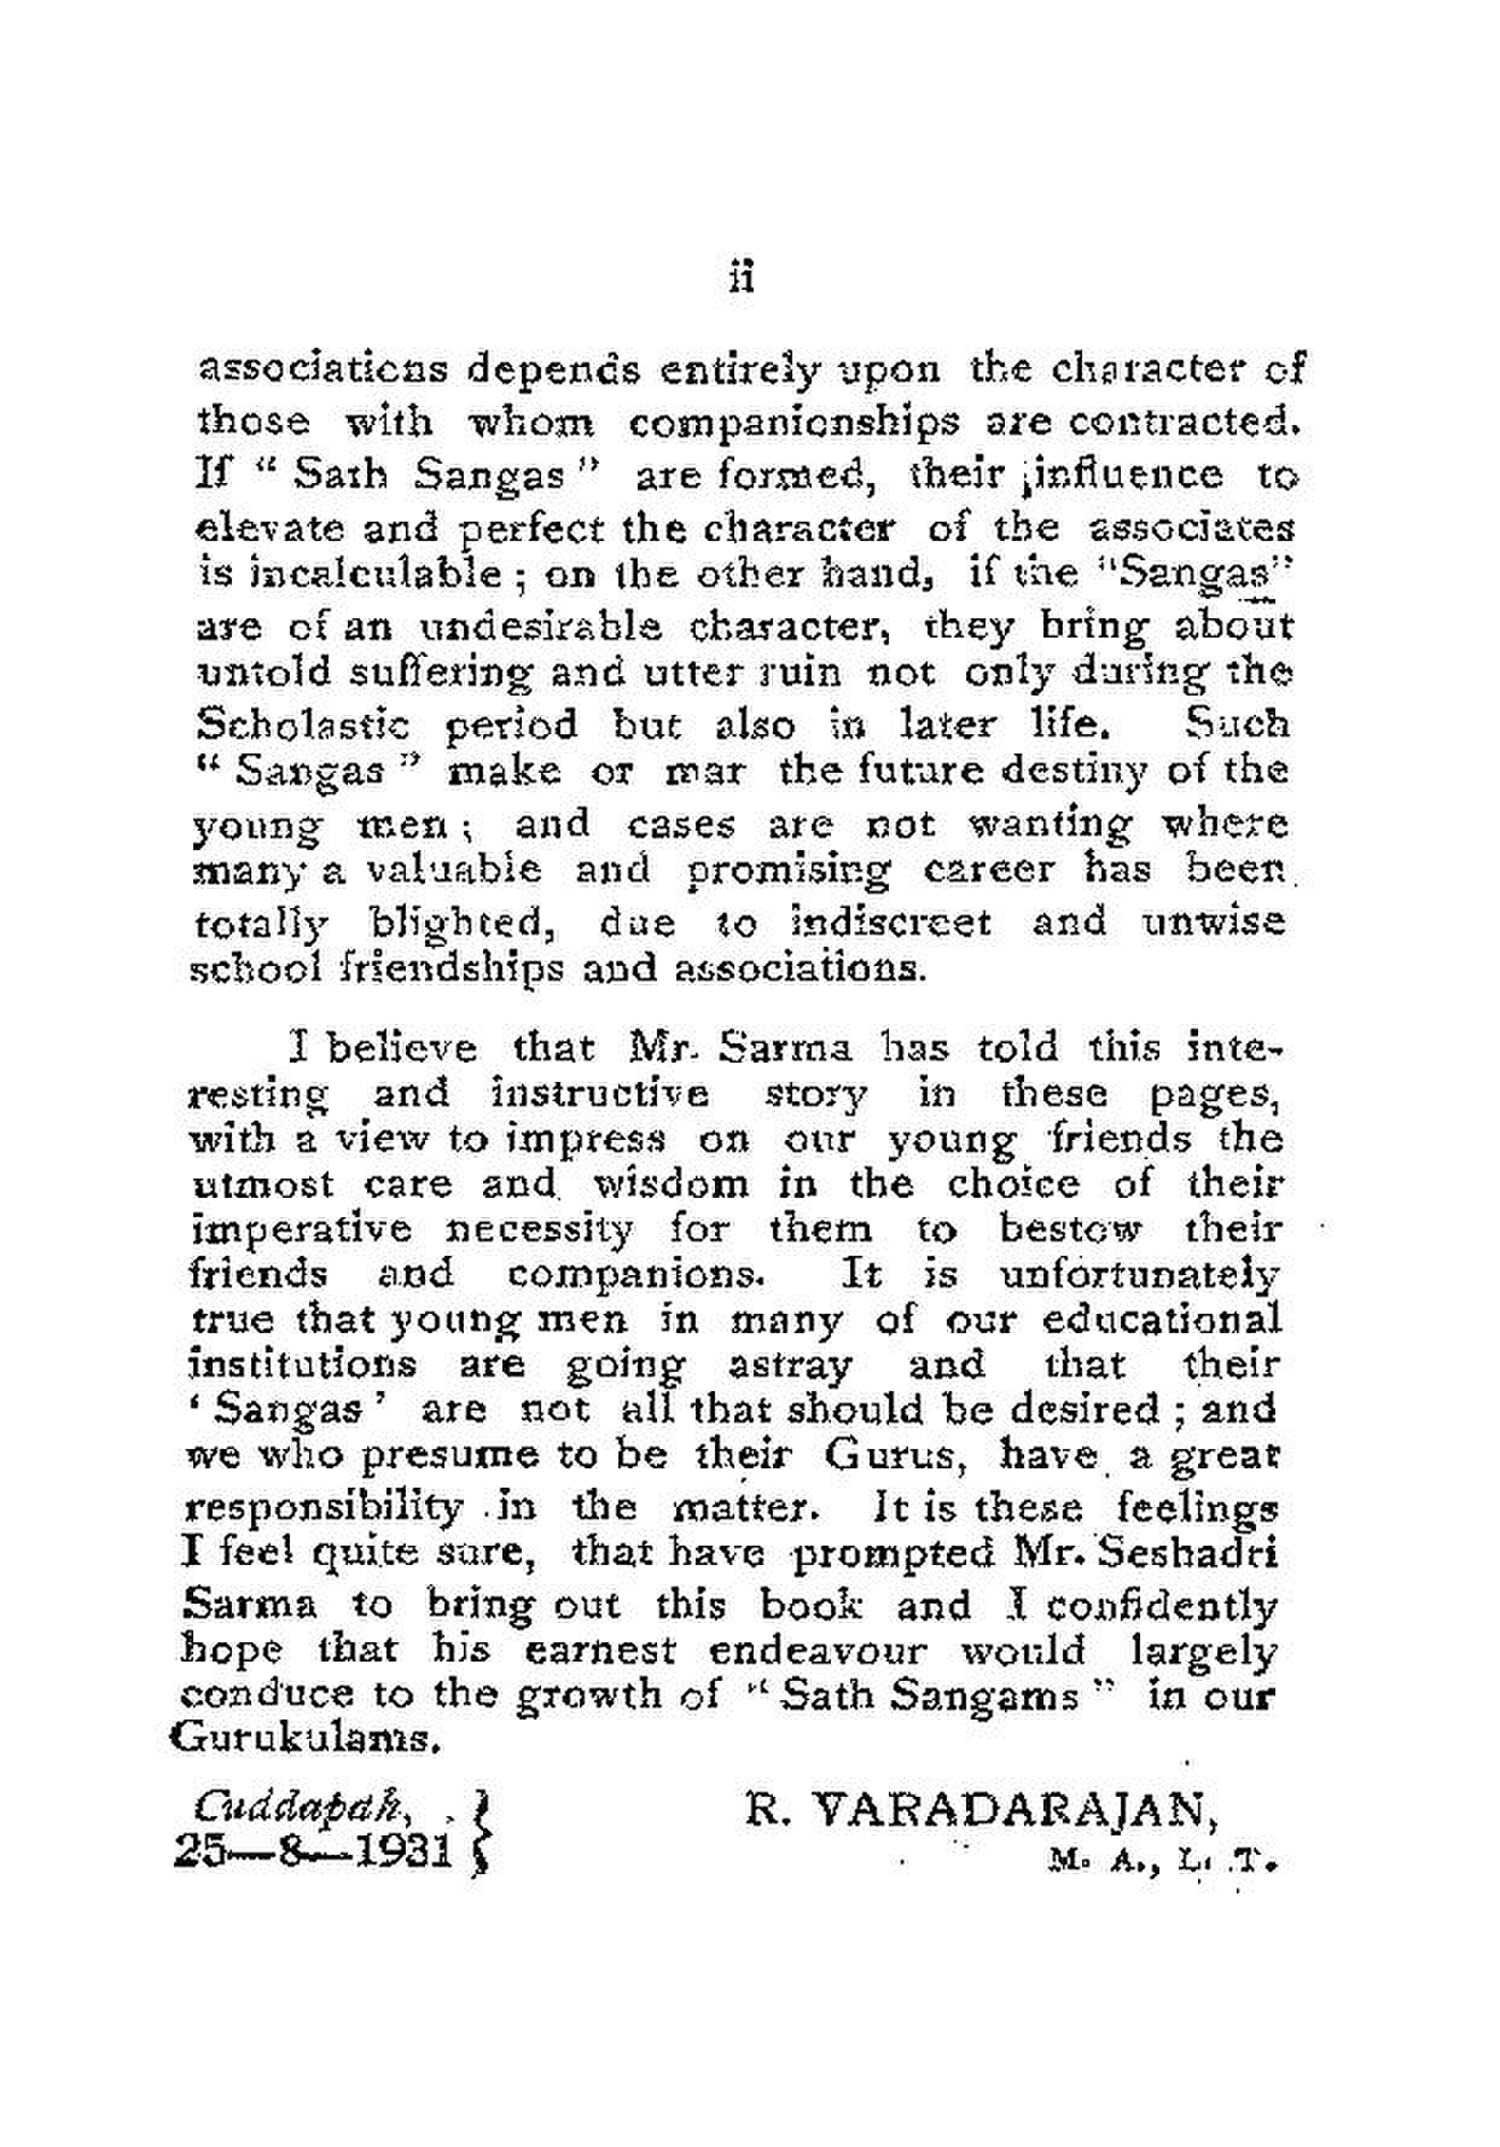associations depends entirely upon the character of those with whom companionships are contracted. If "Sath Sangas" are formed, their influence to elevate and perfect the character of the associates is incalculable ; on the other hand, if the "Sangas" are of an undesirable character, they bring about untold suffering and utter ruin not only daring the Scholastic period but also in later life. Such "Sangas" make or mar the future destiny of the young men and cases are not wanting where many a valuable and promising career has been totally blighted, due to indiscreet and unwise school friendships and associations.

I believe that Mr. Sarroa has told this interesting and instructive story in these pages, with a view to impress on our young friends the utmost care and wisdom in the choice of their imperative necessity for them to bestow their friends and companions. It is unfortunately true that young men in many of our educational institutions are going astray and that their 'Sangas' are not all that should be desired; and we who presume to be their Gurus, have a great responsibility in the matter. It is these feelings I feel quite sure, that have prompted Mr. Seshadri Sarma to bring out this book and I confidently hope that his earnest endeavour would largely conduce to the growth of "Sath Sangams" in our Gurukulams. 

Cuddapah, .
R. YARADARAJAN, 25-8-1931
M. A., LIT.